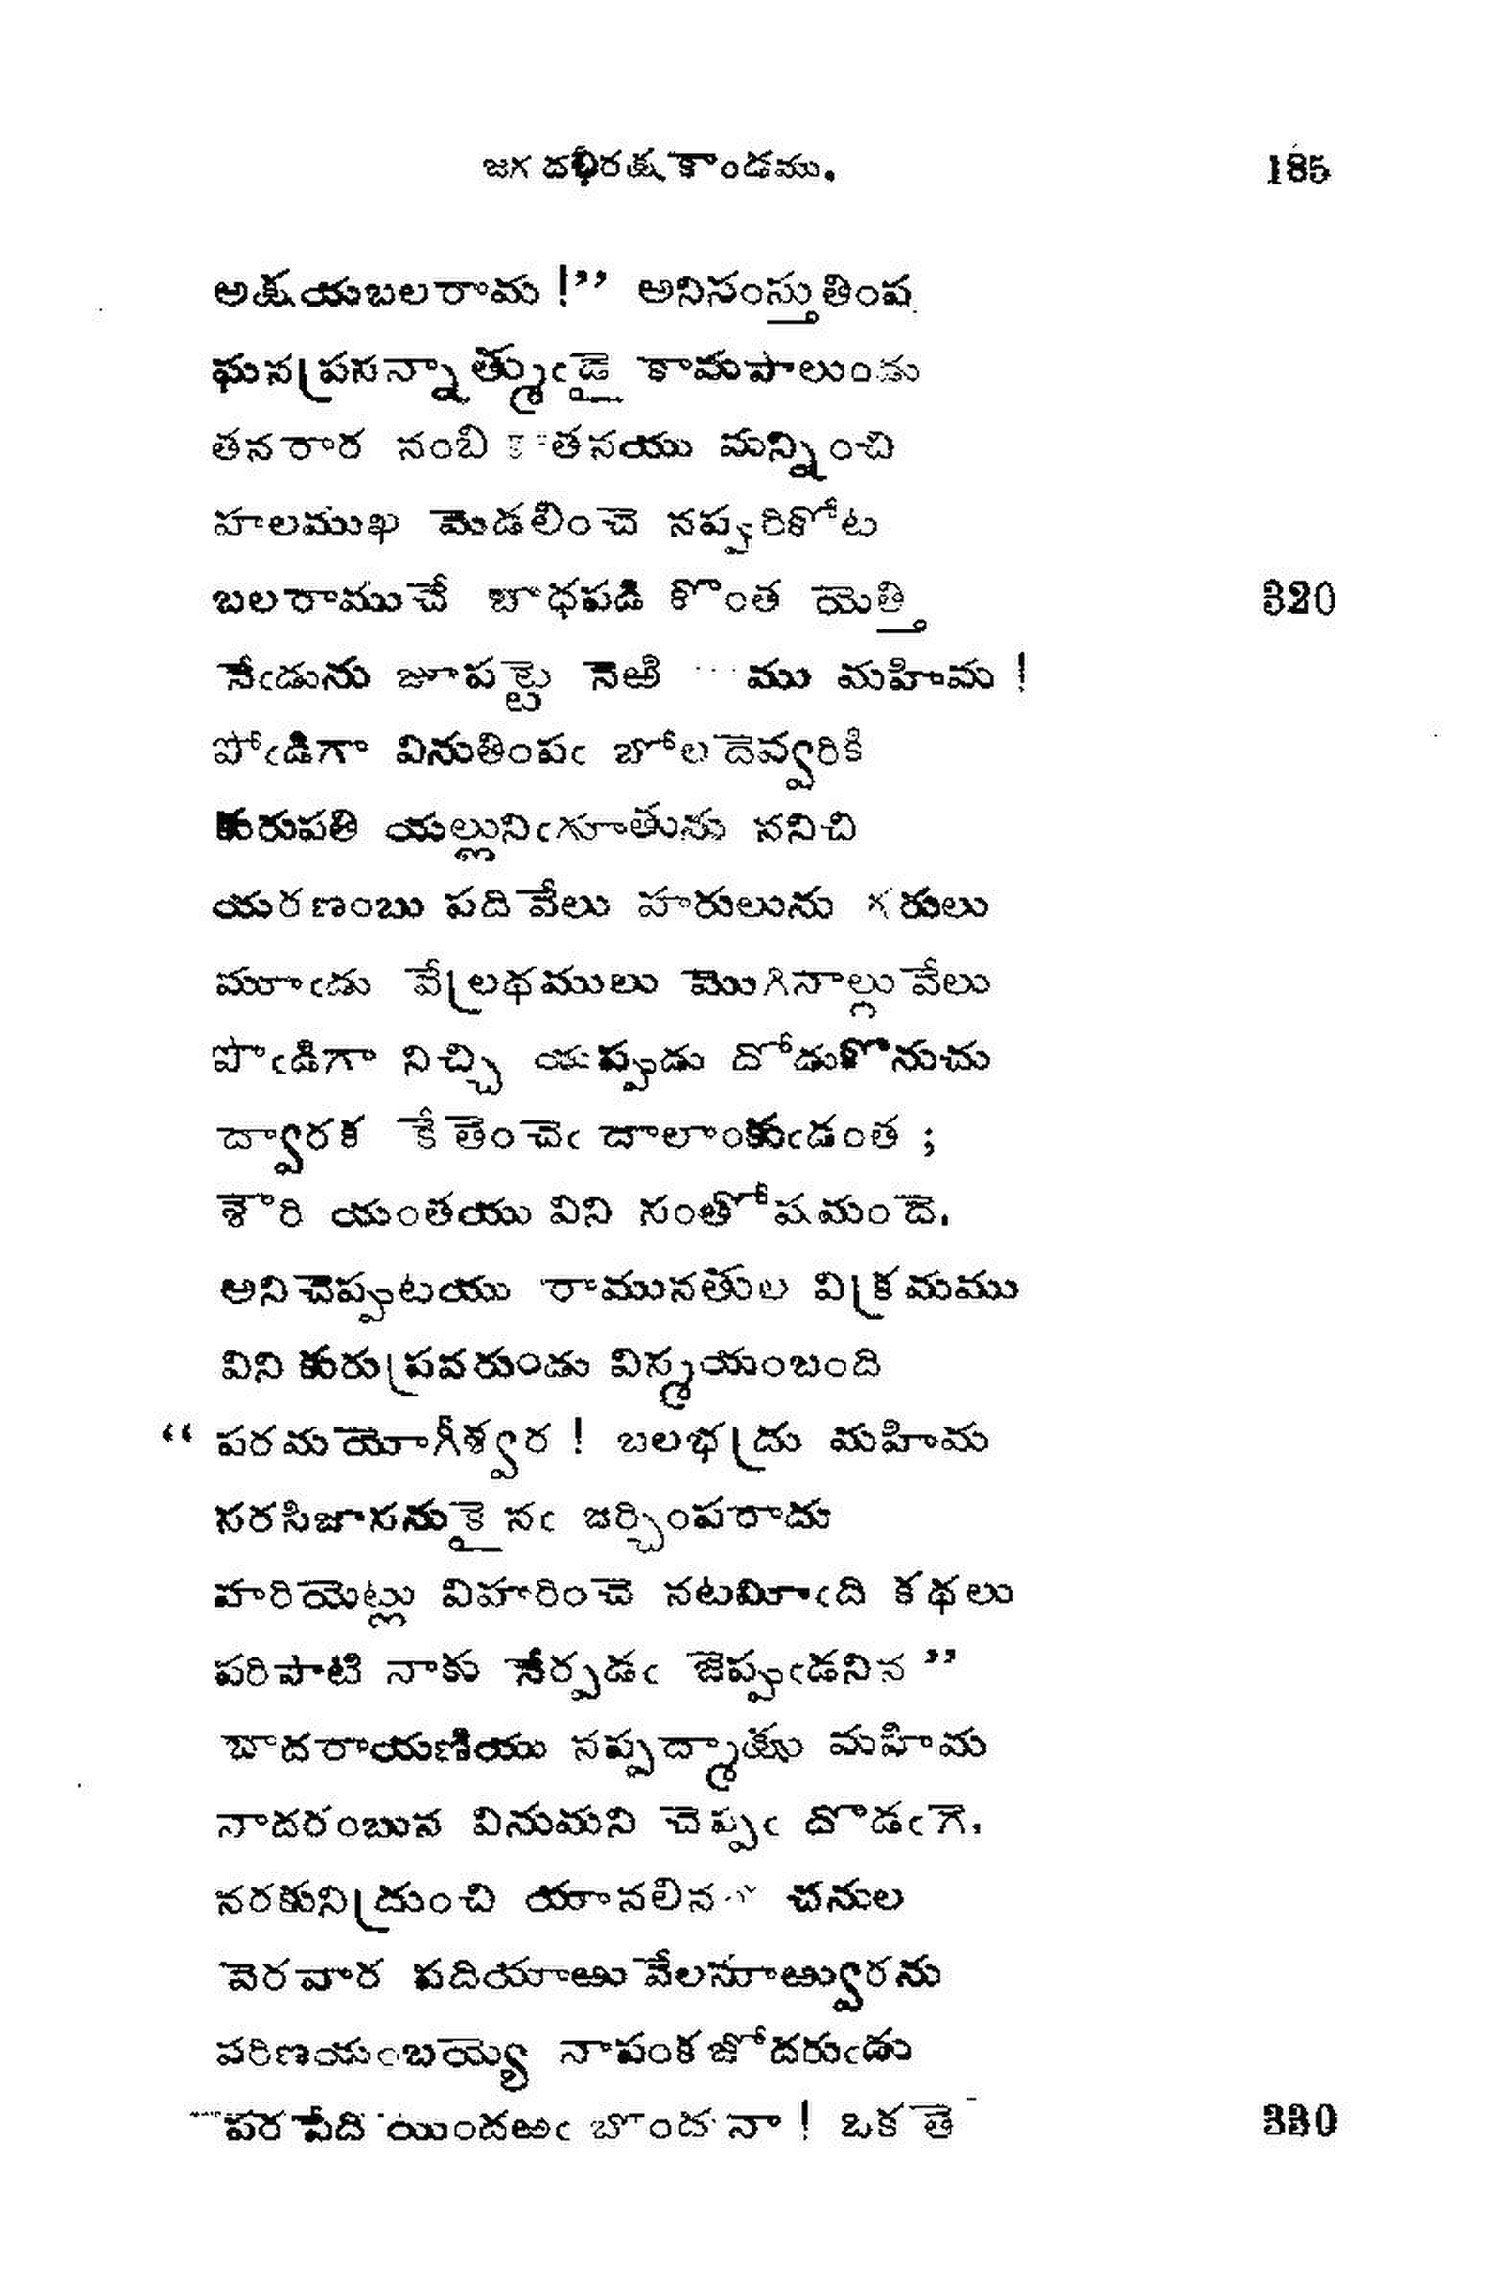అక్షయబలరామ!” అనిసంస్తుతింప
ఘనప్రసన్నాత్ముడై కామపాలుండు 
తనరార నంబికాతనయు మన్నించి
హలముఖ మెడలించె నప్పురికోట
బలరాముచే బాధపడి కొంత యెత్తి
నేఁడును జూపట్టె నెఱి మోము మహిమ! 
పోఁడిగా వినుతింపఁ బోలదెవ్వరికి
కురుపతి యల్లునిఁగూతును ననిచి 
యరణంబు పదివేలు హరులును గరులు
మూఁడు వేల్రథములు మొగినాల్గువేలు
పొఁడిగ నిచ్చి యపుడు దోడుకొనుచును 
ద్వారక కేతెంచెఁ దాలాంకుఁడంత; 
శౌరి యంతయు విని సంతోషమందె.” 
అనిచెప్పుటయు రామునతుల విక్రమము
విని కురుప్రవరుండు విస్మయంబంది
“పరమయోగీశ్వర! బలభద్రు మహిమ 
సరసిజాసనుకైనఁ జర్చింపరాదు
హరియెట్లు విహరించె నటమీఁది కథలు
పరిపాటి నాకు నేర్పడఁ జెప్పుఁ”డనిన
బాదరాయణియు నప్పద్మాక్షు మహిమ
నాదరంబున వినుమని చెప్పఁదొడఁగె. 
“నరకునిద్రుంచి యానలినలోచనుల
వెరవార పదియాఱువేలనూఱ్వురను
పరిణయంబయ్యె నాపంకజోదరుఁడు
పరసేది యిందఱఁ బొందునా! ఒకతె